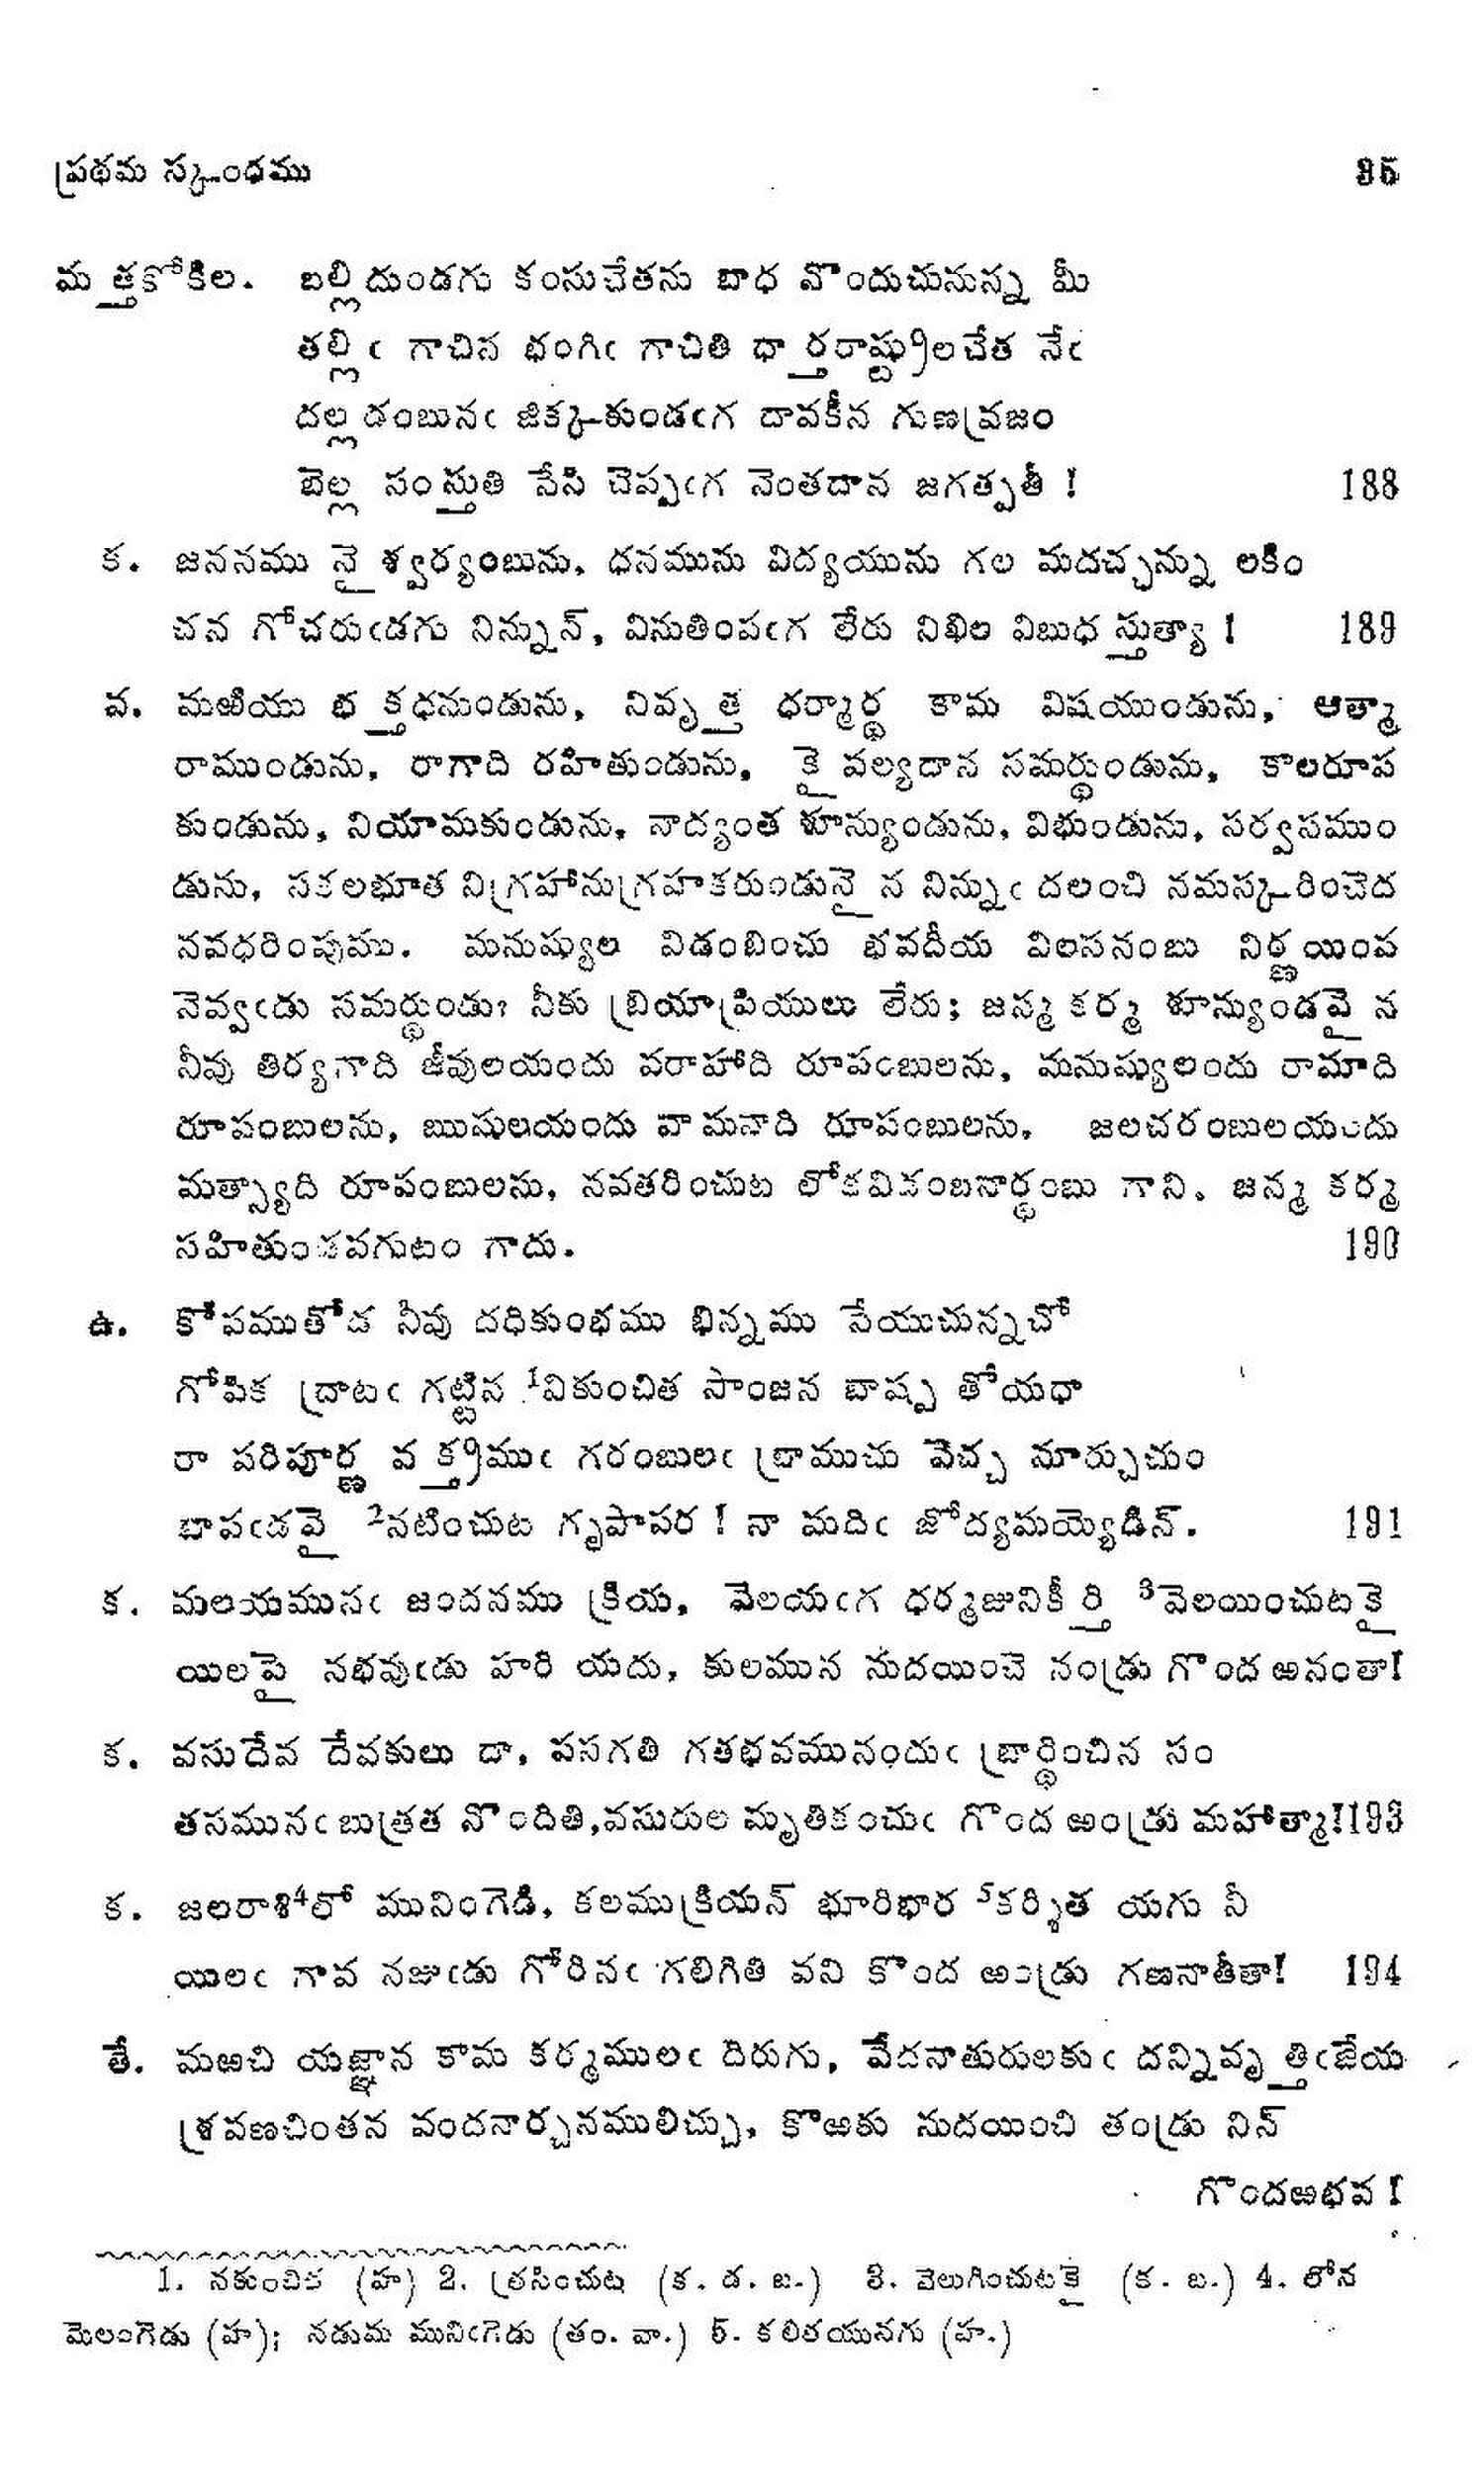35

మత్తకోకిలము :- బల్లిదుండగు కంసు చేతను బాధ నొందుచునున్న మీ

తల్లిఁ గాచిన భంగిఁ గాచితి ధార్తరాష్ట్రుల చేత నేఁ

దల్లడంబునఁ జిక్కకుండఁగ దావకీన గుణవ్రజం

బెల్ల సంస్తుతి సేసి చెప్పఁగ నెంతదాన జగత్పతీ ! (1-188)

కం. జననము నైశ్వర్యంబును ధనమును విద్యయును గల మదచ్ఛన్ను లకిం

చన గోచరుఁడగు నిన్నున్, వినుతింపఁగ లేరు నిఖిల విబుధస్తుత్యా ! (1-189)

వ. మఱియు భక్తిధనుండును, నివృత్త ధర్మార్థ కామ విషయుండును, ఆత్మారాముండును, రాగాది రహితుండును, కైవల్యదాన సమర్థుండును, కాలరూపకుండును, నియామకుండును, నాద్యంత శూన్యుండును, విభుండును, సర్వసముండును, సకలభూత నిగ్రహానుగ్రహకరుండు నైన నిన్నుఁ దలంచి నమస్కరించెద నవధరింపుము. మనుష్యుల విడంబించు భవదీయ విలసనంబు నిర్ణయింప నెవ్వఁడు సమర్థుండు ? నీకుఁ బ్రియాప్రియులు లేరు ; జన్మ కర్మశూన్యుండవైన నీవు తిర్యగాది జీవులయందు వరాహాది రూపంబులను మనుష్యులందు రామాది రూపంబులను ఋషులయందు వామనాది రూపంబులను, జలచరంబులయందు మత్స్యాది రూపంబులను నవతరించుట లోక విడంబనార్థంబు గాని జన్మకర్మసహితుండవగుటం గాదు. (1-190)

ఉ. కోపము తోడ నీవు దధికుంభము భిన్నము సేయుచున్నచో
 
గోపిక త్రాటఁ గట్టిన వికుంచిత సాంజన బాష్పతోయ ధా

రా పరిపూర్ణ వక్త్రముఁ గరంబులఁ బ్రాముచు వెచ్చనూర్చుచుం

బాఁపఁడవై నటించుట కృపాపర ! నా మదిఁ జోద్యమయ్యెడున్. (1-191)

కం. మలయమునఁ జందనము క్రియ, వెలయఁగ ధర్మజుని కీర్తి వెలయించుటకై

యిలపై నభవుఁడు హరి యదు, కులమున నుదయించె నండ్రు కొంద ఱనంతా ! (1-192)
 

కం. వసుదేవ దేవకులు తా,పస గతి గతభవమునందుఁ బ్రార్థించిన సం

తసమునఁ బుత్త్రత నొందితి, వసురుల మృతికంచుఁ గొంద ఱండ్రు మహాత్మా ! (1-193)

కం. జలరాశిలో మునింగెడి, కలము క్రియన్ భూరిభార కర్శిత యగు నీ

యిలఁ గావ నజుఁడు కోరినఁ , గలిగితివని కొంద ఱండ్రు గణనాతీతా ! (1-194)

తే.గీ. మఱచి యజ్ఞాన కామకర్మములఁ దిరుగు, వేదనాతురునకుఁ దన్నివృత్తిఁ జేయ

శ్రవణ చింతన వందనార్చనము లిచ్చు, కొఱకు నుదయించితండ్రు నిన్ గొంద ఱభవ ! (1-195)